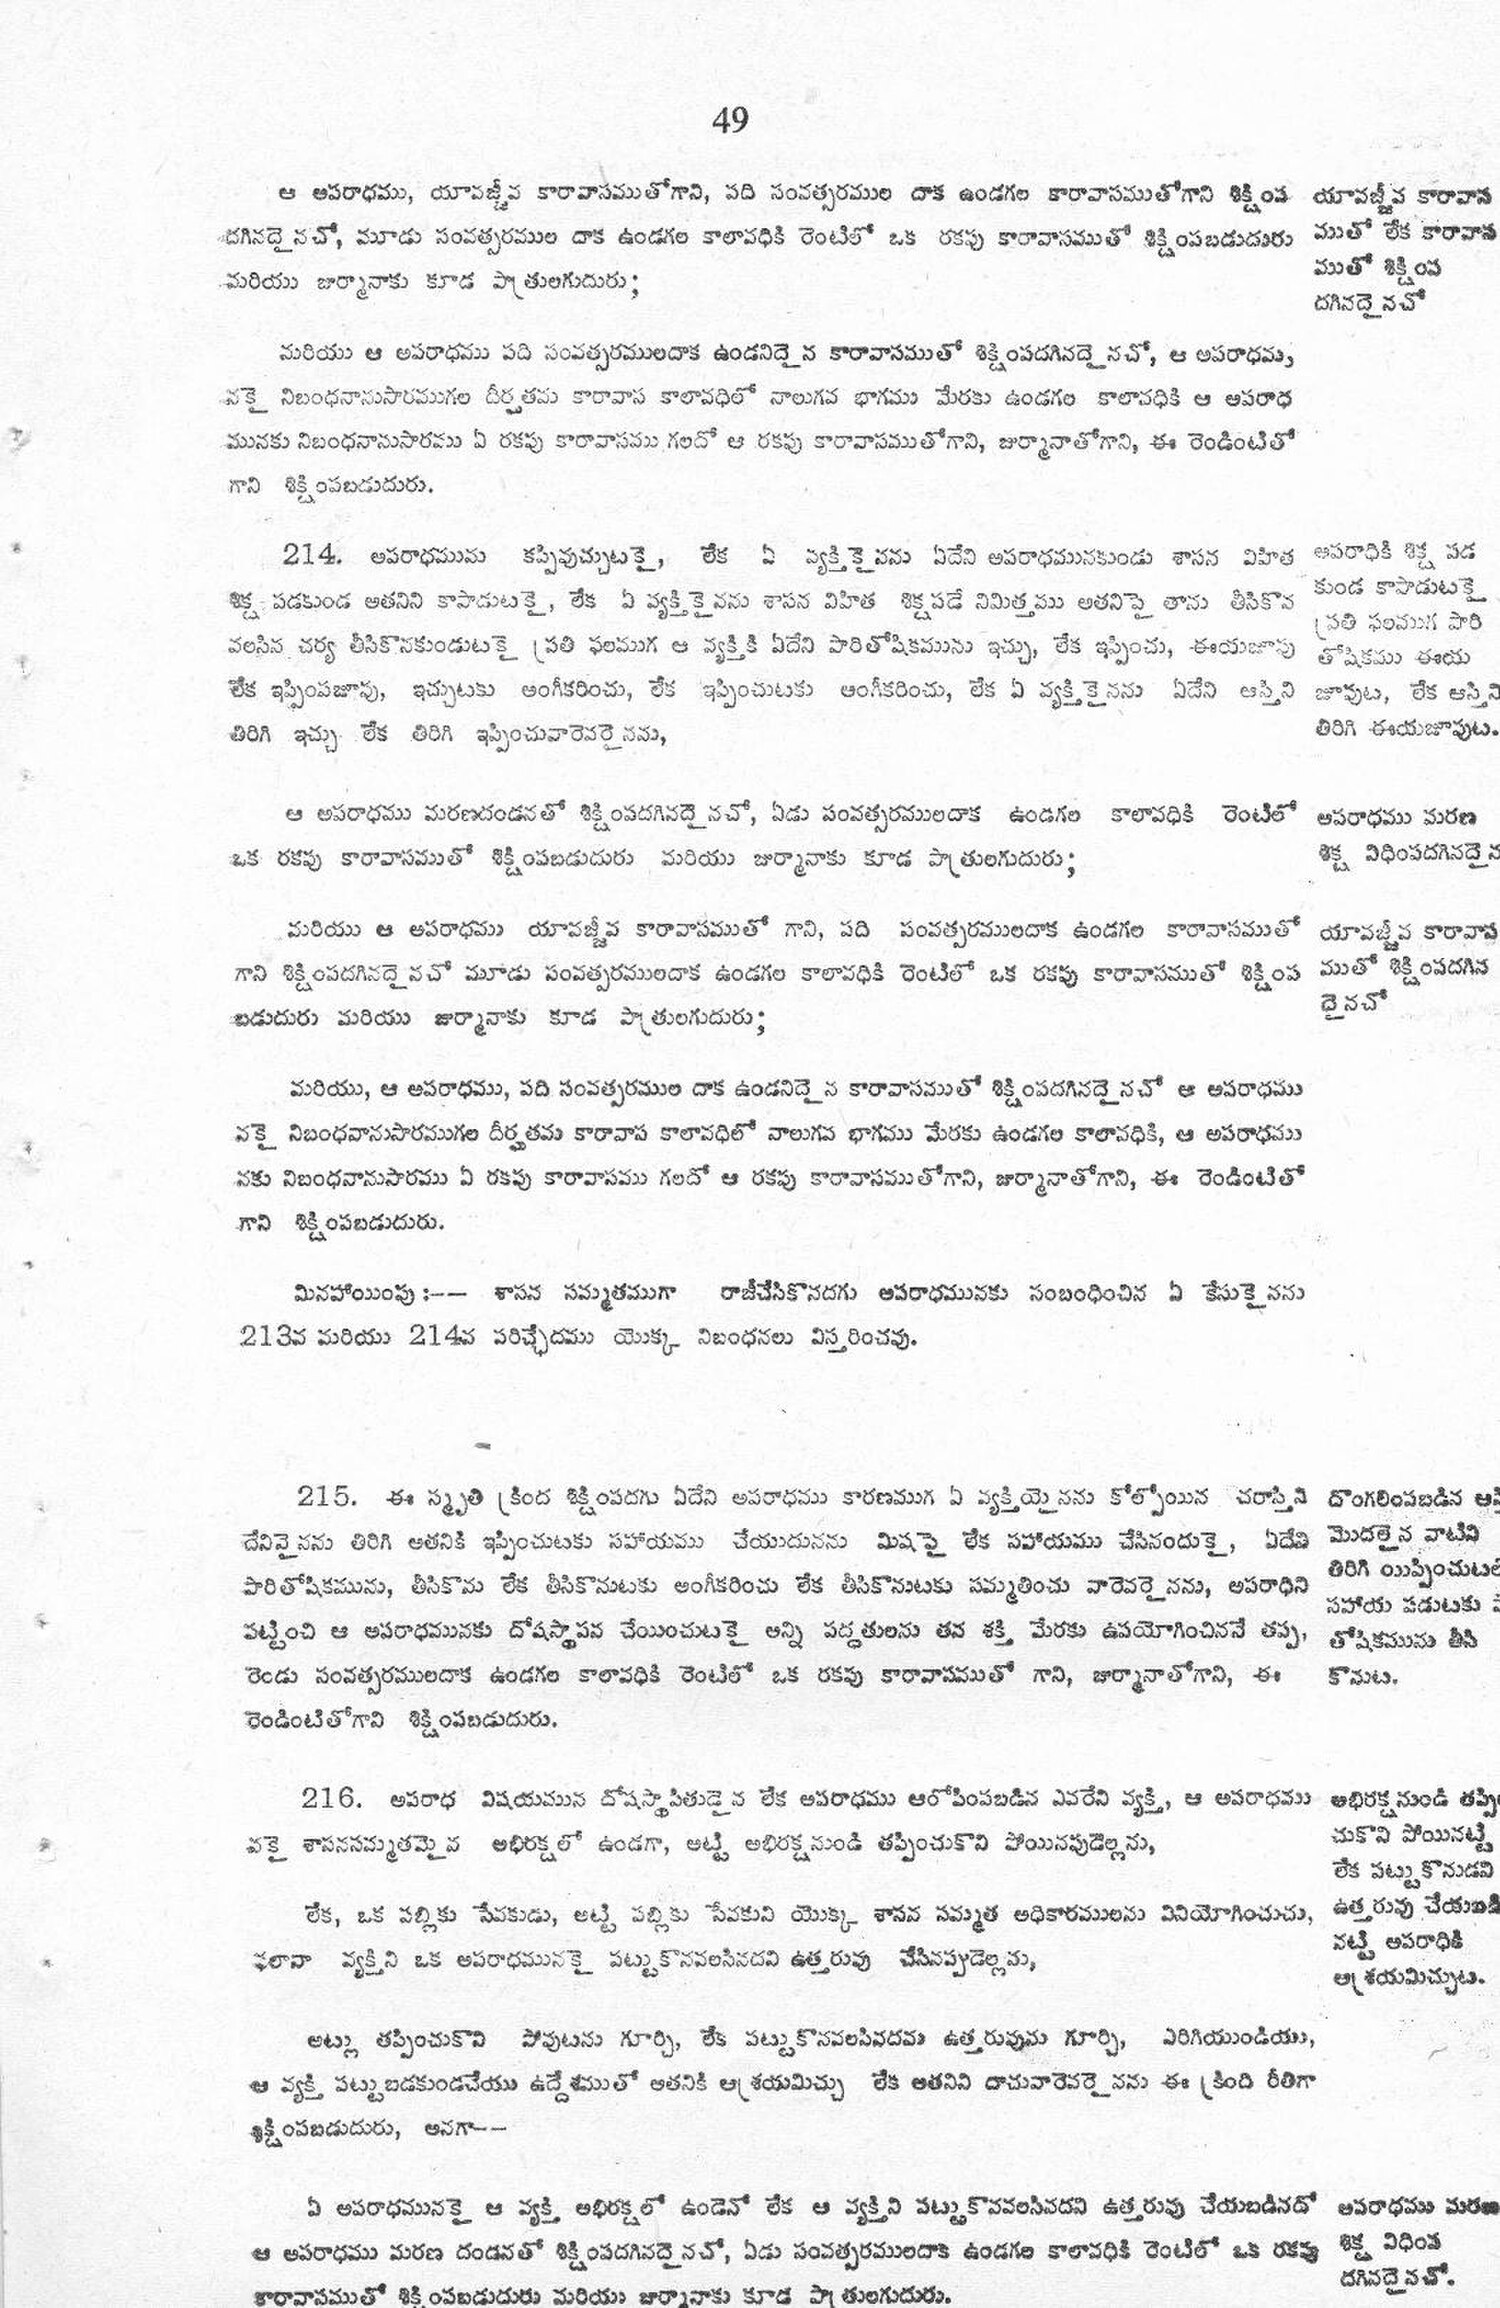యావజ్జీవ కారావాసముతో లేక కారావాసముతో శిక్షింప దగినదైనచో

ఆ అపరాధము, యావజ్జీవ కారావాసముతోగాని, పది సంవత్సరముల దాక ఉండగల కారావాసముతోగాని శిక్షింప 
దగినదైనచో, మూడు సంవత్సరముల దాక ఉండగల కాలావధికి రెంటిలో ఒక రకపు కారావాసముతో శిక్షింపబడుదురు మరియు జుర్మానాకు కూడ పాత్రులగుదురు;

మరియు ఆ అపరాధము పది సంవత్సరములదాక ఉండనిదైన కారావాసముతో శిక్షింపదగినదైనచో, ఆ అపరాధము,
నకై నిబంధనానుసారముగల దీర్ఘ తమ కారావాస కాలావధిలో నాలుగవ భాగము మేరకు ఉండగల కాలావధికి ఆ ఆపరాధ
మునకు నిబంధనానుసారము ఏ రకపు కారావాసము గలదో ఆ రకపు కారావాసముతోగాని, జుర్మానాతోగాని, ఈ రెండింటితో
గాని శిక్షింపబడుదురు.

అపరాధికి శిక్ష పడకుండ కాపాడుటకై ప్రతి ఫలముక పారితోషికము ఈయజూపుట, లేక ఆస్తిని తిరిగి ఈయజూపుట.

214. అపరాధమును కప్పిపుచ్చుటకై, లేక ఏ వ్యక్తి కై నను ఏదేని అపరాధమునకుండు శాసన విహిత శిక్ష పడకుండ అతనిని కాపాడుటకై , లేక ఏ వ్యక్తి కైనను శాసన విహిత శిక్ష పడే నిమిత్తము అతనిపై తాను తీసికొనవలసిన చర్య తీసికొనకుండుటకై ప్రతి ఫలముగ ఆ వ్యక్తి కి ఏదేని పారితోషికమును ఇచ్చు, లేక ఇప్పించు, ఈయజూపు లేక ఇప్పింపజూపు, ఇచ్చుటకు అంగీకరించు, లేక ఇప్పించుటకు అంగీకరించు, లేక ఏ వ్యక్తి కైనను ఏదేని ఆస్తిని తిరిగి ఇచ్చు లేక తిరిగి ఇప్పించువారెవరైనను,

అపరాధము మరణశిక్ష విధింపదగినదైనదైనచో

ఆ అపరాధము మరణదండనతో శిక్షింపదగినదైనచో, ఏడు సంవత్సరములదాక ఉండగల కాలావధికి రెంటిలో ఒక రకపు కారావాసముతో శిక్షింపబడుదురు. మరియు జుర్మానాకు కూడ పాత్రులగుదురు;

యావజ్జీవ కారావాసముతో శిక్షింపదగినదైనచో

మరియు ఆ అపరాధము యావజ్జీవ కారావాసముతో గాని, పది సంవత్సరములదాక ఉండగల కారావాసముతో గాని శిక్షింపదగినదైనచో మూడు సంవత్సరములదాక ఉండగల కాలావధికి రెంటిలో ఒక రకపు కారావాసముతో శిక్షింప బడుదురు మరియు జుర్మానాకు కూడ పాత్రులగుదురు;

మరియు, ఆ అపరాధము, పది సంవత్సరముల దాక ఉండనిదైన కారావాసముతో శిక్షింపదగినదైనచో ఆ అపరాధము
నకై నిబంధనానుసారముగల దీర్ఘతమ కారావాస కాలావధిలో నాలుగవ భాగము మేరకు ఉండగల కాలావధికి, ఆ అపరాధమునకు నిబంధనానుసారము ఏ రకపు కారావాసము గలదో ఆ రకపు కారావాసముతోగాని, జూర్మానాతోగాని, ఈ రెండింటితో గాని శిక్షింపబడుదురు.

మినహాయింపు :-- శాసన సమ్మతముగా రాజీచేసికొనదగు అపరాధమునకు సంబంధించిన ఏ కేసుకైనను 213న మరియు 214న పరిచ్ఛేదము యొక్క నిబంధనలు విస్తరించవు.

దొంగలింపబడిన ఆస్తి మొదలైన వాటిని తిరిగి యిప్పించుటకు సహాయ పడుటకు పాతోషికమును తీసికొనుట.

215. ఈ స్మృతి క్రింద శిక్షింపదగు ఏదేని అపరాధము కారణముగ ఏ వ్యక్తి యైనను కోల్పోయిన చరాస్తిని దేనినైనను తిరిగి అతనికి ఇప్పించుటకు సహాయము చేయుదునను మిష పై లేక సహాయము చేసినందుకై, ఏదేని పారితోషికమును, తీసికొను లేక తీసికొనుటకు అంగీకరించు లేక తీసికొనుటకు సమ్మతించు వారెవరైనను, అపరాధిని పట్టించి ఆ అపరాధమునకు దోషస్థాపన చేయించుటకై అన్ని పద్ధతులను తన శక్తి మేరకు ఉపయోగించిననే తప్ప, రెండు సంవత్సరములదాక ఉండగల కాలావధికి రెంటిలో ఒక రకపు కారావాసముతో గాని, జుర్మానాతోగాని, ఈ రెండింటితో గాని శిక్షింపబడుదురు,

అభిరక్ష నుండి తప్పించుకొని పోయినట్టి లేక పట్టుకొనుడని ఉత్తరువు చేయబడి నట్టి అపరాధికి ఆశ్రయమిచ్చుట.

216. అపరాధ విషయమున దోషస్థాపితుడైన లేక ఆపరాధము ఆరోపింపబడిన ఎవరేని వ్యక్తి, ఆ అపరాధము నకై శాసనసమ్మతమైన అభిరక్షలో ఉండగా, అట్టి అభిరక్ష నుండి తప్పించుకొని పోయినపుడెల్లను,

లేక, ఒక పబ్లికు సేవకుడు, అట్టి పబ్లికు సేవకుని యొక్క శాసన సమ్మత అధికారములను వినియోగించుచు, ఫలానా వ్యక్తిని ఒక అపరాధమునకై పట్టు కొనవలసినదని ఉత్తరువు చేసినప్పుడెల్లను,

అట్లు తప్పించుకొని పోవుటను గూర్చి, లేక పట్టుకొనవలసినదను ఉత్తరువును గూర్చి, ఎరిగియుండియు, ఆ వ్యక్తి పట్టుబడకుండచేయు ఉద్దేశముతో అతనికి ఆశ్రయమిచ్చు లేక అతనిని దాచువారెవరైనను ఈ క్రింది రీతిగా
శిక్షింపబడుదురు, అనగా--

అపరాధము మరణశిక్ష విధించదగినదైనచో.

ఏ అపరాధమునకై ఆ వ్యక్తి అభిరక్షలో ఉండెనో లేక ఆ వ్యక్తిని పట్టుకొవవలసినదని ఉత్తరువు చేయబడినదో ఆ అపరాధము మరణ దండనతో శిక్షింపదగినదైనచో, ఏడు సంవత్సరములదాకి ఉండగల కాలావధికి రెంటిలో ఒక రకపు కారావాసముతో శిక్షింపబడుదురు మరియు జార్మానాకు కూడ పాత్రులగుదురు.